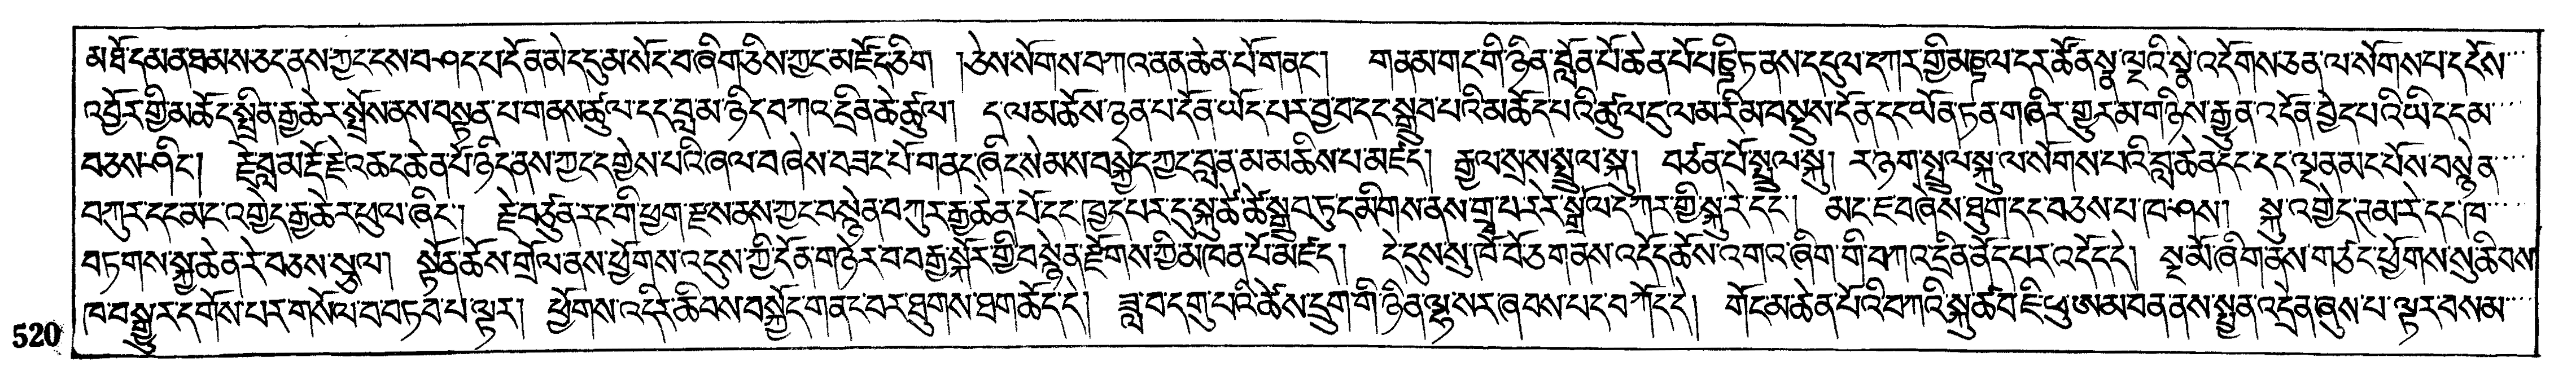མཐོང་མན་ཐམས་ཅད་ནས་ཀྱང་ངས་བཤད་པ་དོན་མེད་དུ་མ་སོང་བ་ཞིག་ཅིས་ཀྱང་མཛོད་ཅིག །ཅེས་སོགས་བཀའ་ནན་ཆེན་པོ་གནང་། གནམ་གང་གི་ཉིན་བློན་པོ་ཆེན་པོ་པཎྜིཏ་ནས་དངུལ་དཀར་གྱི་མཎྜལ་དར་ཚོན་སྣ་ལྔའི་སྣེ་འདོགས་ཅན་ལ་སོགས་པ་དངོས་
འབྱོར་གྱི་མཆོད་སྤྲིན་རྒྱ་ཆེར་སྤྲོས་ནས་བསྟན་པ་གནས་ཚུལ་དང་བླ་མ་ཉིད་བཀའ་དྲིན་ཆེ་ཚུལ། ད་ལམ་ཆོས་ཉན་པ་དོན་ཡོང་པར་བྱ་བ་དང་སྒྲུབ་པའི་མཆོད་པའི་ཚུལ་དུ་ལམ་རིམ་བསྡུས་དོན་དང་ཡོན་ཏན་གཞིར་གྱུར་མ་གཉིས་རྒྱུན་འདོན་བྱེད་པའི་ཡིད་དམ་
བཅས་ཤིང་། རྗེ་བླ་མ་རྡོ་རྗེ་འཆད་ཆེན་པོ་ཉིད་ནས་ཀྱང་དགྱེས་པའི་ཞལ་བཞེས་བཟང་པོ་གནང་ཞིང་སེམས་བསྐྱེད་ཀྱང་བླ་ན་མ་མཆིས་པ་མཛད། རྒྱལ་སྲས་སྤྲུལ་སྐུ། བཙན་པོ་སྤྲུལ་སྐུ། ར་ཉག་སྤྲུལ་སྐུ་ལ་སོགས་པའི་བླ་ཆེན་དང་དད་ལྡན་མང་པོས་བསྙེན་
བཀུར་དང་མང་འགྱེད་རྒྱ་ཆེར་ཕུལ་ཞིང་། རྗེ་བཙུན་རང་གི་ཕྱག་རྫས་ནས་ཀྱང་བསྙེན་བཀུར་རྒྱ་ཆེན་པོ་དང་ཁྱད་པར་དུ་སྐུ་ཚེ་ཚེ་སྒྲུབ་ཏུ་དམིགས་ནས་གྲྭ་པ་རེར་སྒྲོལ་དཀར་གྱི་སྐུ་རེ་དང་། མང་ཇ་བཞེས་ཐུག་དང་བཅས་པ་ཁ་ཤས། སྐུ་འགྱེད་ཊམ་རེ་དང་ཁ་
བཏགས་སྐྱ་ཆེན་རེ་བཅས་སྩལ། སྟོན་ཆོས་གྲོལ་ནས་ཕྱོགས་འདུས་ཀྱི་དོན་གཉེར་བ་བརྒྱ་སྐོར་གྱི་བསྙེན་རྫོགས་ཀྱི་མཁན་པོ་མཛད། དེ་དུས་སུ་ཁོ་བོ་ཅག་ནས་འདོད་ཆོས་འགའ་ཞིག་གི་བཀའ་དྲིན་ནོད་པར་འདོད་དེ། སྔ་མོ་ཞིག་ནས་གཙང་ཕྱོགས་སུ་ཆིབས་
ཁ་བསྒྱུར་དགོས་པར་གསོལ་བ་བཏབ་པ་ལྟར། ཕྱོགས་འདིར་ཆིབས་བསྐྱོད་གནང་བར་ཐུགས་ཐག་ཆོད་དེ། ཟླ་བ་དགུ་པའི་ཚེས་དྲུག་གི་ཉིན་ལྷ་སར་ཞབས་པད་བཀོད་དེ། གོང་མ་ཆེན་པོའི་བཀའི་སྐུ་ཚབ་ཇི་ཕུ་ཨམ་བན་ནས་སྦྱན་འདྲེན་ཞུས་པ་ལྟར་བསམ་